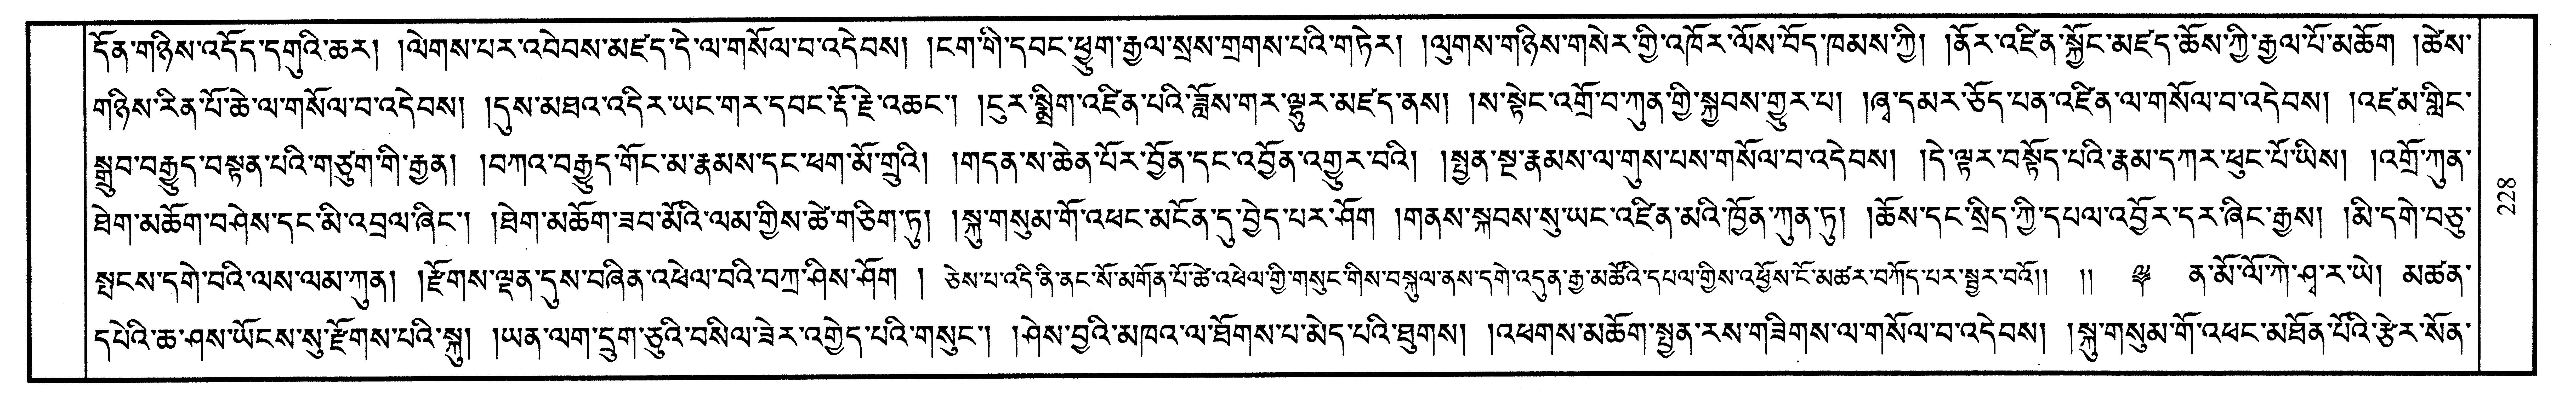དོན་གཉིས་འདོད་དགུའི་ཆར། །ལེགས་པར་འབེབས་མཛད་དེ་ལ་གསོལ་བ་འདེབས། །ངག་གི་དབང་ཕྱུག་རྒྱལ་སྲས་གྲགས་པའི་གཏེར། །ལུགས་གཉིས་གསེར་གྱི་འཁོར་ལོས་བོད་ཁམས་ཀྱི། །ནོར་འཛིན་སྐྱོང་མཛད་ཆོས་ཀྱི་རྒྱལ་པོ་མཆོག །ཚེས་
གཉིས་རིན་པོ་ཆེ་ལ་གསོལ་བ་འདེབས། །དུས་མཐའ་འདིར་ཡང་གར་དབང་རྡོ་རྗེ་འཆང་། །ངུར་སྨྲིག་འཛིན་པའི་ཟློས་གར་ལྷུར་མཛད་ནས། །ས་སྟེང་འགྲོ་བ་ཀུན་གྱི་སྐྱབས་གྱུར་པ། །ཞྭ་དམར་ཅོད་པན་འཛིན་ལ་གསོལ་བ་འདེབས། །འཛམ་གླིང་
སྒྲུབ་བརྒྱུད་བསྟན་པའི་གཙུག་གི་རྒྱན། །བཀའ་བརྒྱུད་གོང་མ་རྣམས་དང་ཕག་མོ་གྲུའི། །གདན་ས་ཆེན་པོར་བྱོན་དང་འབྱོན་འགྱུར་པའི། །སྤྱན་སྔ་རྣམས་ལ་གུས་པས་གསོལ་བ་འདེབས། །དེ་ལྟར་བསྟོད་པའི་རྣམ་དཀར་ཕུང་པོ་ཡིས། །འགྲོ་ཀུན་
ཐེག་མཆོག་བཤེས་དང་མི་འབྲལ་ཞིང་། །ཐེག་མཆོག་ཟབ་མོའི་ལམ་གྱིས་ཚེ་གཅིག་ཏུ། །སྐུ་གསུམ་གོ་འཕང་མངོན་དུ་བྱེད་པར་ཤོག །གནས་སྐབས་སུ་ཡང་འཛིན་མའི་ཁྱོན་ཀུན་ཏུ། །ཆོས་དང་སྲིད་ཀྱི་དཔལ་འབྱོར་དར་ཞིང་རྒྱས། །མི་དགེ་བཅུ་
སྤངས་དགེ་བའི་ལས་ལམ་ཀུན། །རྫོགས་ལྡན་དུས་བཞིན་འཕེལ་བའི་བཀྲ་ཤིས་ཤོག །ཅེས་པ་འདི་ནི་ནང་སོ་མགོན་པོ་ཚེ་འཕེལ་གྱི་གསུང་གིས་བསྐུལ་ནས་དགེ་འདུན་རྒྱ་མཚོའི་དཔལ་གྱིས་འཕྱོས་ངོ་མཚར་བཀོད་པར་སྦྱར་བའོ།། །། ༈ ན་མོ་ལོ་ཀེ་ཤྭ་ར་ཡེ། མཚན་
དཔེའི་ཆ་ཤས་ཡོངས་སུ་རྫོགས་པའི་སྐུ། །ཡན་ལག་དྲུག་ཅུའི་བསིལ་ཟེར་འགྱེད་པའི་གསུང་། །ཤེས་བྱའི་མཁའ་ལ་ཐོགས་པ་མེད་པའི་ཐུགས། །འཕགས་མཆོག་སྤྱན་རས་གཟིགས་ལ་གསོལ་བ་འདེབས། །སྐུ་གསུམ་གོ་འཕང་མཐོན་པོའི་རྩེར་སོན་